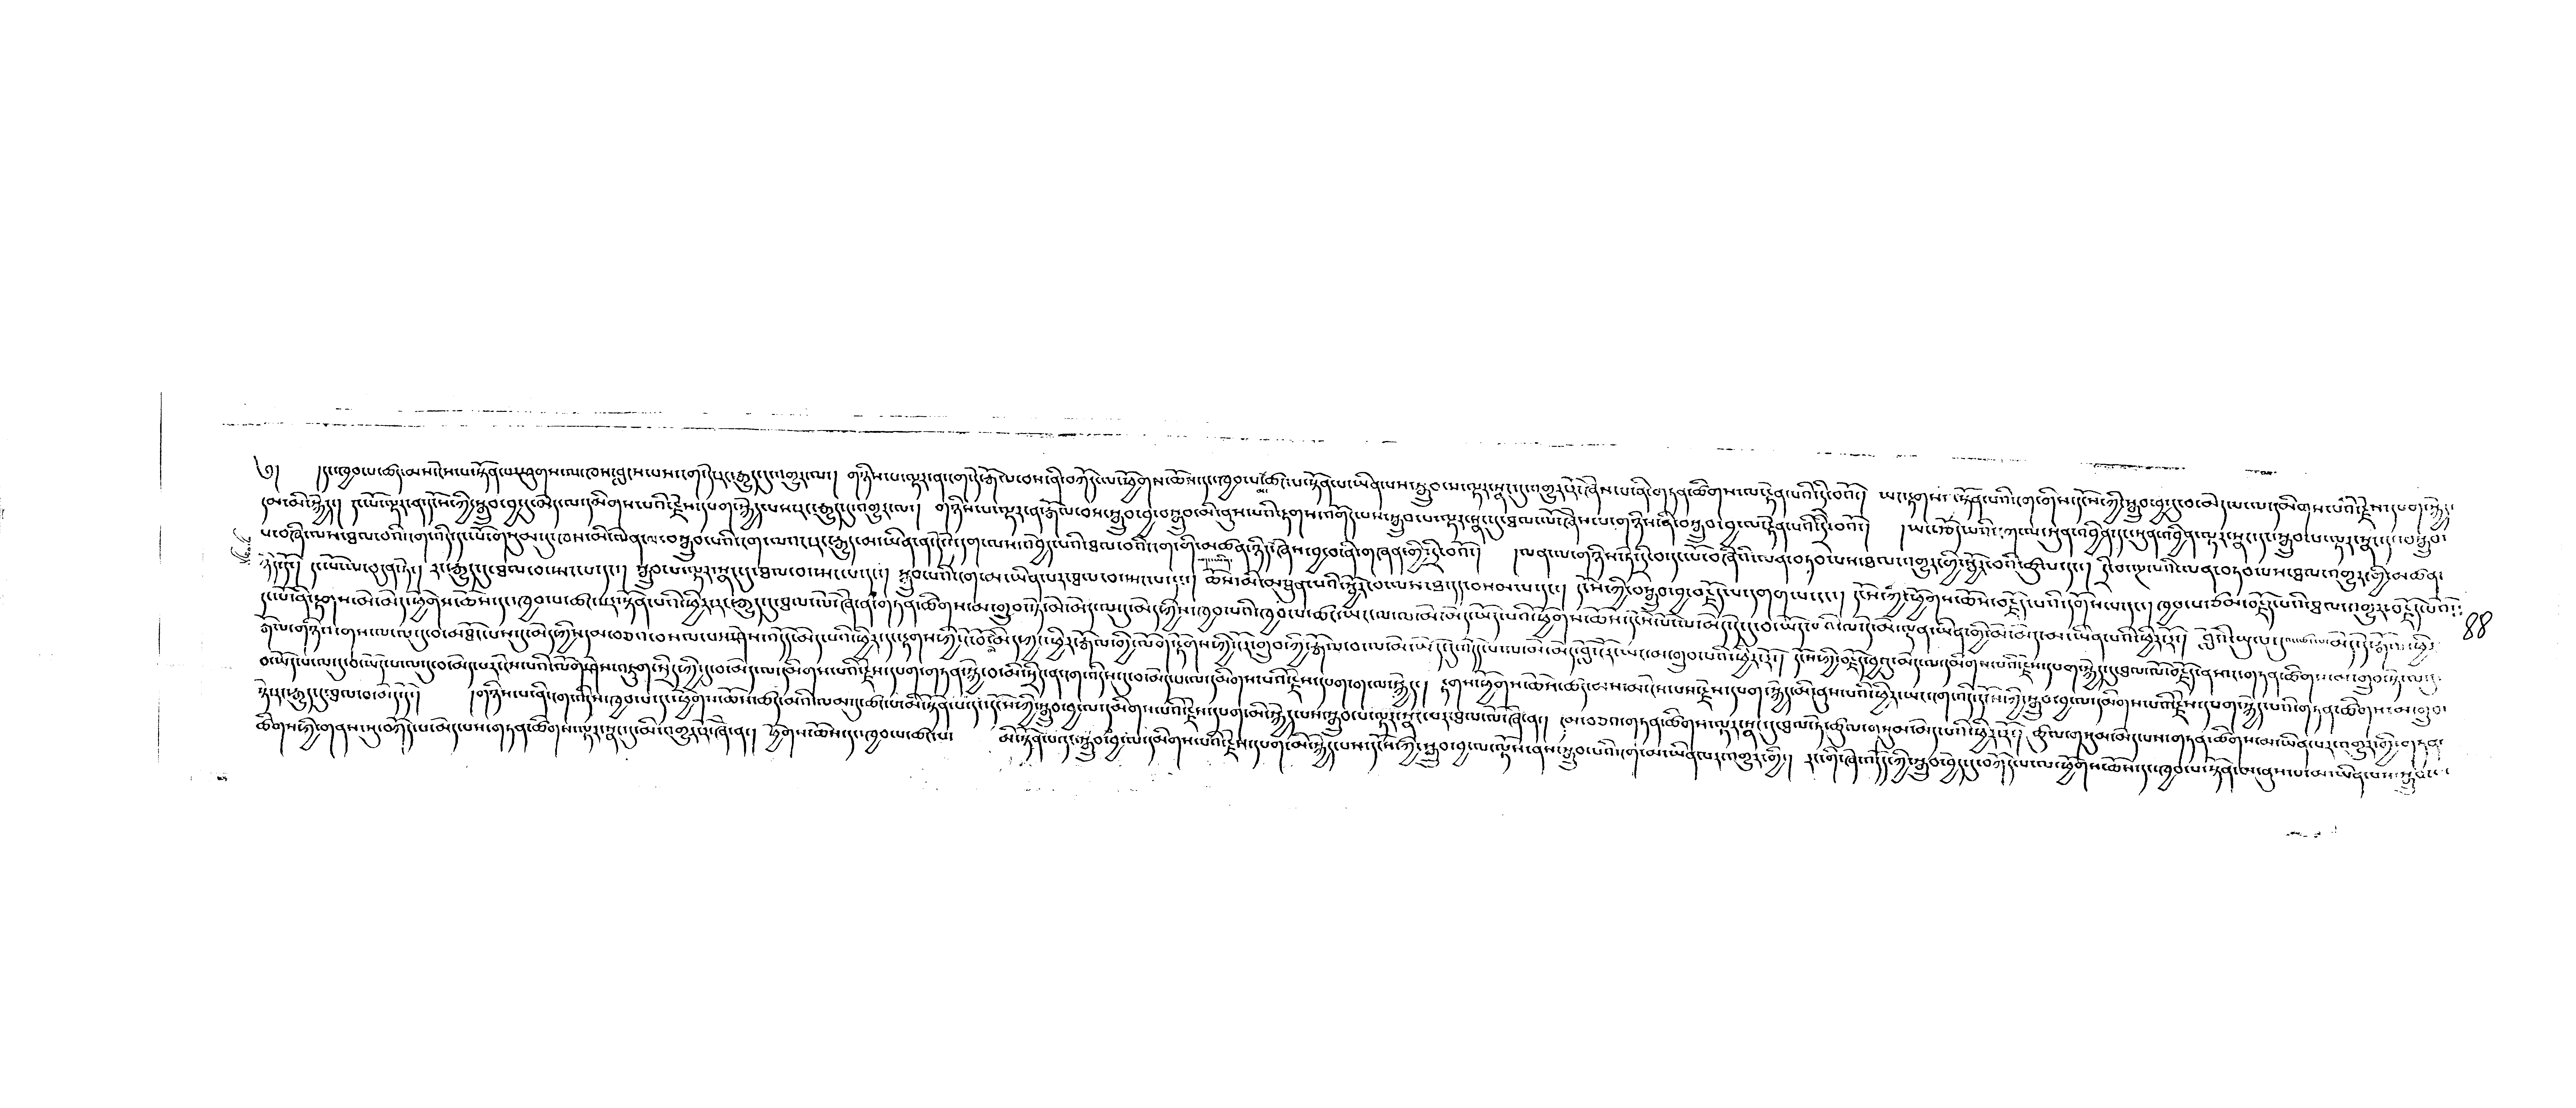༈། །དང་ཁྱབ་པ་ཚད་མས་ངེས་པ་སྟོན་པར་ཤུགས་ལ་ཁས་བླངས་པས་ང་དེ་རང་རྒྱུད་དུ་འགྱུར་ལ། གཉིས་པ་ལྟར་ན་ངག་དེ་རྒོལ་བས་ནི་བཀོད་ལ་ཕྱོགས་ཆོས་དང་ཁྱབ་པ་མ་ཚང་པ་སྟོན་པ་ཡིན་པས་སྒྲུབ་པ་ལྟར་སྣང་དུ་འགྱུར་རོ་ཞེས་པ་ནི་གཏན་ཚིགས་ལ་རྟེན་པའི་དྲི་བའོ། ཡང་རྟགས་སྟོན་པའི་ངག་གིས་དངོས་ཀྱི་སྒྲུབ་བྱ་དུ་བ་མེད་པ་ལ་དམིགས་པའི་རྗེས་དཔག་སྐྱེད་
དམ་མི་སྐྱེད། དང་པོ་ལྟར་ན་དངོས་ཀྱི་སྒྲུབ་བྱ་དུ་མེད་ལ་དམིགས་པའི་རྗེས་དཔག་སྐྱེད་པས་རང་རྒྱུད་དུ་འགྱུར་ལ། གཉིས་པ་ལྟར་ན་རྒོལ་བས་སྒྲུབ་བྱ་བསྒྲུབ་མི་ནུས་པའི་རྟགས་འགོད་པས་སྒྲུབ་པ་ལྟར་སྣང་དུ་ཐལ་ལོ་ཞེས་པ་གཉིས་ནི་བསྒྲུབ་བྱ་ལ་རྟེན་པའི་དྲི་བའོ། །ཡང་རྩོད་པའི་ངག་ལ་སུན་འབྱིན་དང་སུན་འབྱིན་ལྟར་སྣང་དང་སྒྲུབ་པ་ལྟར་སྣང་དང་བསྒྲུབ་
པ་བཞི་ལས་ཐལ་བའི་ངག་འདི་དང་པོ་གསུམ་དུ་ཁས་མི་ལེན་ལ་བསྒྲུབ་པའི་ངག་ལའང་རང་རྒྱུད་མ་ཡིན་ན་དེའོ?་དག?་ལས་འབྱེད་པའི་ཐལ་བའི་ངག་གི་མཚན་ཉིད་ཞེས་བྱ་བ་ནི་གཞན་གྱི་དྲི་བའོ། །ལན་ལ་གཉིས་ཏེ་དྲི་བ་དང་པོ་བཞིའི་ལན་བཏབ་པས་ཐལ་འགྱུར་གྱི་སྦྱོར་བའི་ཚུལ་དང་། དྲི་བ་ལྔ་པའི་ལན་བཏབ་པས་ཐལ་འགྱུར་གྱི་མཚན་
ཉིད་དོ། དང་པོ་ལ་བདུན་ཏེ། རང་རྒྱུད་དུ་ཐལ་བ་སྤང་པ་དང་། སྒྲུབ་པ་ལྟར་སྣང་དུ་ཐལ་བ་སྤང་པ་དང་། སྒྲུབ་པའི་ངག་མ་ཡིན་པར་ཐལ་བ་སྤང་པ་དང་། ཆོས་མི་མཐུན་པའི་སྦྱོར་བ་ལས་ཐ་དད་བསམ་པ་དང་། དངོས་ཀྱི་བསྒྲུབ་བྱ་བརྗོད་པ་དགག་པ་དང་། དངོས་ཀྱི་ཕྱོགས་ཆོས་བརྗོད་པའི་དགོས་པ་དང་། ཁྱབ་པ་ཙམ་བརྗོད་པའི་ཐལ་འགྱུར་བརྗོད་པའོ་
དང་པོ་ནི་རྟགས་མེ་མེད་ཕྱོགས་ཆོས་དང་ཁྱབ་པ་ཚང་པར་སྟོན་པའི་ཕྱིར་རང་རྒྱུད་དུ་ཐལ་ལོ་ཞེ་ན་གཏན་ཚིགས་མ་གྲུབ་ཏེ་མེ་མེད་ལ་དུ་མེད་ཀྱིས་ཁྱབ་པའི་ཁྱབ་པ་ཚང་ཡང་མ་ལ་མེ་མེད་ཡོད་པའི་ཕྱོགས་ཆོས་དངོས་པོ་ལ་མེད་དེ་དུ་བ་ཡོད་པའི་ལ?་དེ་མེ་ལྡན་ཡིན་གྱི་མེ་མེད་མ་ཡིན་པའི་ཕྱིར་རོ། བློའི་ཡུལ་དུའང?་ཚད?་པ་མེད་དེ་རྒོལ་ཕྱིར་
རྒོལ་གཉིའ་གས་ལ་ལ་དུ་བ་མཐོང་པས་དུ་མེད་ཀྱིས་དམ་བཅའ་བསལ་པས་ཤེས་འདོད་མེད་པའི་ཕྱིར་དང་རྟགས་ཀྱི་ངོ་བོ་མེ་མེད་ཀྱང་ཕྱིར་རྒོལ་གྱི་ལོག་རྟོགས་ཀྱི་ངོར་གྲུབ་ཀྱི་རྒོལ་བ་ལ་མེ་ཡོད་དུ་འདོད་པ་ལ་མེ་མེད་བློ་ངོར?་ཡང་མ་གྲུབ་པའི་ཕྱིར་རོ། དངོས་ཀྱི་བརྗོད་བྱའུ་མེད་ལ་དམིགས་པའི་རྗེས་དཔག་སྐྱེད་དུ་ཐལ་ལོ་བརྗོད་ན་འང་གཏན་ཚིགས་མ་གྲུབ་སྟེ་ལ་དུ་
བ་ཡོད་པ་ལ་དུ་བ་ཡོད་པ་ལ་དུ་བ་མེད་པར་ངེས་པའི་ལོག་ཤེས་འཇུག་སྲིད་ཀྱི་དུ་བ་མེད་ལ་དམིགས་པའི་རྗེས་དཔག་གཏན་སྐྱེ་བ་མི་སྲིད་ན་ངག་འདིས་དུ་བ་མེད་པ་ལ་དམིགས་པའི་རྗེས་དཔག་ག་ལ་སྐྱེད། རྟགས་ཕྱོགས་ཆོས་ཚད་མས་མ་ངེས་པས་རྗེས་དཔག་སྐྱེད་མི་ནུས་པའི་ཕྱིར་ཡང་ངག་འདི་དངོས་ཀྱི་སྒྲུབ་བྱ་ལ་དམིགས་པའི་རྗེས་དཔག་སྐྱེད་པའི་གཏན་ཚིགས་མ་གྲུབ་
སྟེ་རང་རྒྱུད་དུ་ཐལ་བ་མེད་དོ། །གཉིས་པ་ནི་ངག་འདིས་ཁྱབ་པ་དང་ཕྱོགས་ཆོས་ཚད་མའི་ལམ་དུ་ཚང་པ་མི་སྟོན་པ་དང་དངོས་ཀྱི་སྒྲུབ་བྱ་ལ་དམིགས་པའི་རྗེས་དཔག་མི་སྐྱེད་པས་སྒྲུབ་པ་ལྟར་སྣང་པར་ཐལ་ལོ་ཞེ་ན། དམ་བཅའ་གཏན་ཚིགས་ལྟར་སྣང་དུ་ཐལ་ཏེ་ཚུལ་གསུམ་མེད་པའི་ཕྱིར་རོ། ཚུལ་གསུམ་མེད་པས་གཏན་ཚིགས་མ་ཡིན་པར་འགྱུར་གྱི་གཏན་
ཚིགས་ཀྱི་གནས་སུ་བཀོད་པ་མེད་པས་གཏན་ཚིགས་ལྟར་སྣང་དུ་མི་འགྱུར་རོ་ཞེ་ན། ཕྱོགས་ཆོས་དང་ཁྱབ་པ་ཚང་པ་མི་སྟོན་པ་དང་སྒྲུབ་བྱ་ལ་དམིགས་པའི་རྗེས་དཔག་མི་སྐྱེད་པས་དངོས་ཀྱི་སྒྲུབ་བྱ་ལ་ལྟོས་ནས་སྒྲུབ་པའི་ངག་མ་ཡིན་པར་འགྱུར་གྱི། རང་གི་ཞེ་འདོད་ཀྱི་སྒྲུབ་བྱེད་དུ་བཀོད་པ་ལ་ཕྱོགས་ཆོས་དང་ཁྱབ་པ་སྟོན་མ་ནུས་པ་མ་ཡིན་པས་?